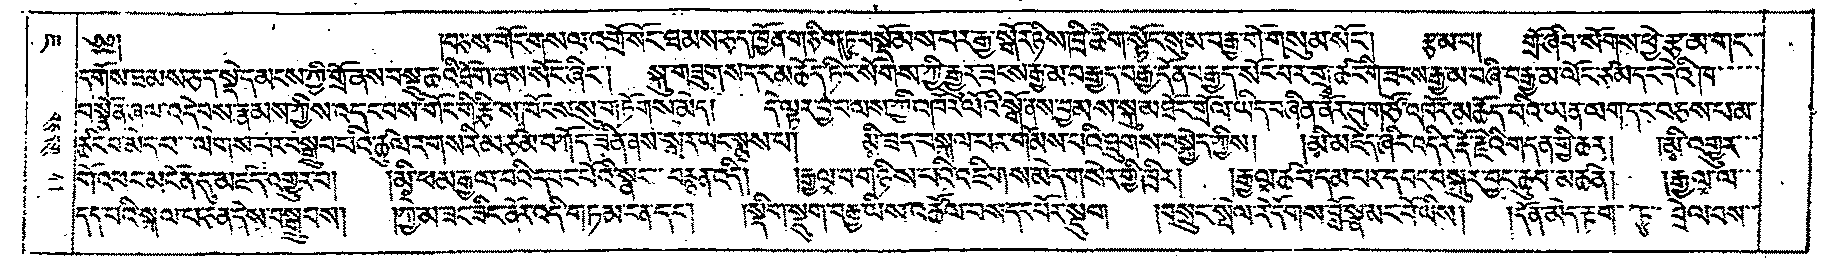༄༅། །བཅས་གོང་གསལ་འགྲོ་སོང་ཐམས་ཅད་ཁྱོན་གཅིག་ཏུ་བསྡོམས་པར་རྒྱ་སྒོར་ཉིས་ཁྲི་ཆིག་སྟོང་སུམ་བརྒྱ་གོ་གསུམ་སོང་། རྩམ་པ། གྲོ་ཞིབ་སོགས་ཕྱེ་རྩམ་གང་
དགོས་ཐམས་ཅད་སྡེ་དམངས་ཀྱི་གྲོ་ནས་བསྡུ་ཆའི་ཐོག་ནས་སོང་ཞིང་། སྐུ་གཟུགས་དང་མཆོད་ཏིང་སོགས་ཀྱི་རྒྱུར་ཟངས་རྒྱ་མ་བརྒྱད་བརྒྱ་དོན་བརྒྱད་སོང་བར་གྲྭ་ཚང་གི་ཟངས་རྒྱ་མ་བཞི་བརྒྱ་མ་ལོང་ཙམ་དང་དེའི་ཁ་
བསྣོན་ཞལ་འདེབས་རྣམས་ཀྱིས་འདང་བས་གོང་གི་རྩིས་ཁོངས་སུ་གཏོགས་མེད། དེ་ལྟར་བྱ་བ་ལས་ཀྱི་འཁོར་ལོའི་སྒོ་ནས་བྱམས་སྐུ་མཐོང་གྲོལ་ཡིད་བཞིན་ནོར་བུ་གཙོ་འཁོར་མཆོད་པའི་ཡན་ལག་དང་བཅས་པ་མ་
ཚང་བ་མེད་པ་ལེགས་པར་བསྒྲུབ་པའི་ཚུལ་རགས་རིམ་ཙམ་བཀོད་ཟིན་ནས་སླར་ཡང་སྨྲས་པ། མི་ཟད་བསྐལ་པར་གོམས་པའི་ཐུགས་བསྐྱེད་ཀྱིས། །མི་མཇེད་ཞིང་འདིར་རྡོ་རྗེའི་གདན་གྱི་ཆར། །མི་འགྱུར་
གོ་འཕང་མངོན་དུ་མཛད་འགྱུར་བ། །མི་ཕམ་རྒྱལ་བའི་དབང་པོའི་སྣང་བརྙན་འདི། །རྒྱལ་྾་བ་གཉིས་པའི་འཇིགས་མེད་གསེར་གྱི་ཁྲིར། །རྒྱལ་྾་ཚབ་དམ་པར་དབང་བསྐུར་བྱང་ཆུབ་མཚན། །རྒྱལ་྾་ལ་
དད་པའི་སྐལ་པ་ཅན་དེས་བསྒྲུབས། །ཀྱེ་མ་ཟང་ཟིང་ནོར་འདི་གཏམ་ངན་དང་། །སྡིག་སྡུག་བརྒྱ་ཡིས་འཚོལ་བས་དང་པོར་སྡུག །བསྲུང་སྤེལ་རེ་དོགས་བློ་སྣ་མང་པོ་ཡིས། །དོན་མེད་རྟག་ཏུ་བྲེལ་བས་